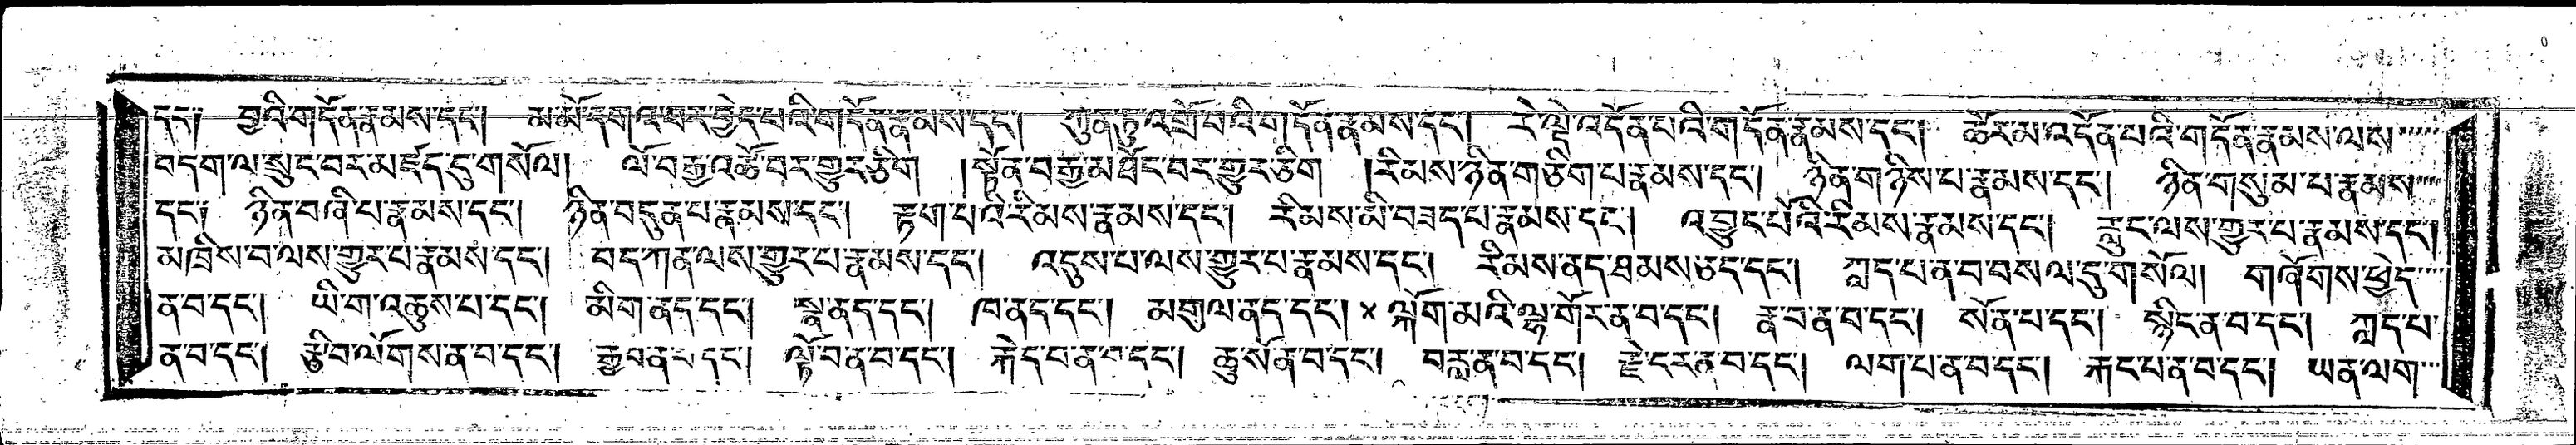དང༑ བྱའི་གདོན་རྣམས་དང་། མ་མོ་དགའ་བར་བྱེད་པའི་གདོན་རྣམས་དང་། ཀུན་ཏུ་འགྲོ་བའི་གདོན་རྣམས་དང་། རེ་ལྡེ་འདོན་པའི་གདོན་རྣམས་དང་། ཚེར་མ་འདོན་པའི་གདོན་རྣམས་ལས་
བདག་ལ་སྲུང་བར་མཛད་དུ་གསོལ། ལོ་བརྒྱ་འཚོ་བར་གྱུར་ཅིག །སྟོན་བརྒྱ་མཐོང་བར་གྱུར་ཅིག །རིམས་ཉིན་གཅིག་པ་རྣམས་དང་། ཉིན་གཉིས་པ་རྣམས་དང་། ཉིན་གསུམ་པ་རྣམས་
དང༑ ཉིན་བཞི་པ་རྣམས་དང་། ཉིན་བདུན་པ་རྣམས་དང་། རྟག་པའི་རིམས་རྣམས་དང་། རིམས་མི་བཟད་པ་རྣམས་དང་། འབྱུང་པོའི་རིམས་རྣམས་དང་། རླུང་ལས་གྱུར་པ་རྣམས་དང་།
མཁྲིས་བ་ལས་གྱུར་པ་རྣམས་དང་། བད་ཀན་ལས་གྱུར་པ་རྣམས་དང་། འདུས་པ་ལས་གྱུར་པ་རྣམས་དང་། རིམས་ནད་ཐམས་ཅད་དང་། ཀླད་པ་ན་བ་བསལ་དུ་གསོལ། གཞོགས་ཕྱེད་
ན་བ་དང་། ཡི་ག་འཆུས་པ་དང་། མིག་ནད་དང་། སྣ་ནད་དང་། ཁ་ནད་དང་། མགུལ་ནད་དང་། སྙིད་ནད་དང་། ལྐོག་མའི་ལྷ་གོར་ན་བ་དང་། རྣ་བ་ན་བ་དང་། སོ་ན་པ་དང་། སྙིང་ན་བ་དང་། ཀླད་པ་
ན་བ་དང་། རྩིབ་ལོགས་ན་བ་དང་། རྒྱབ་ན་བ་དང་། ལྟོ་བ་ན་བ་དང་། རྐེད་པ་ན་བ་དང་། ཆུ་སོ་ན་བ་དང་། བརླ་ན་བ་དང་། རྗེ་ངར་ན་བ་དང་། ལག་པ་ན་བ་དང་། རྐང་པ་ན་བ་དང་། ཡན་ལག་